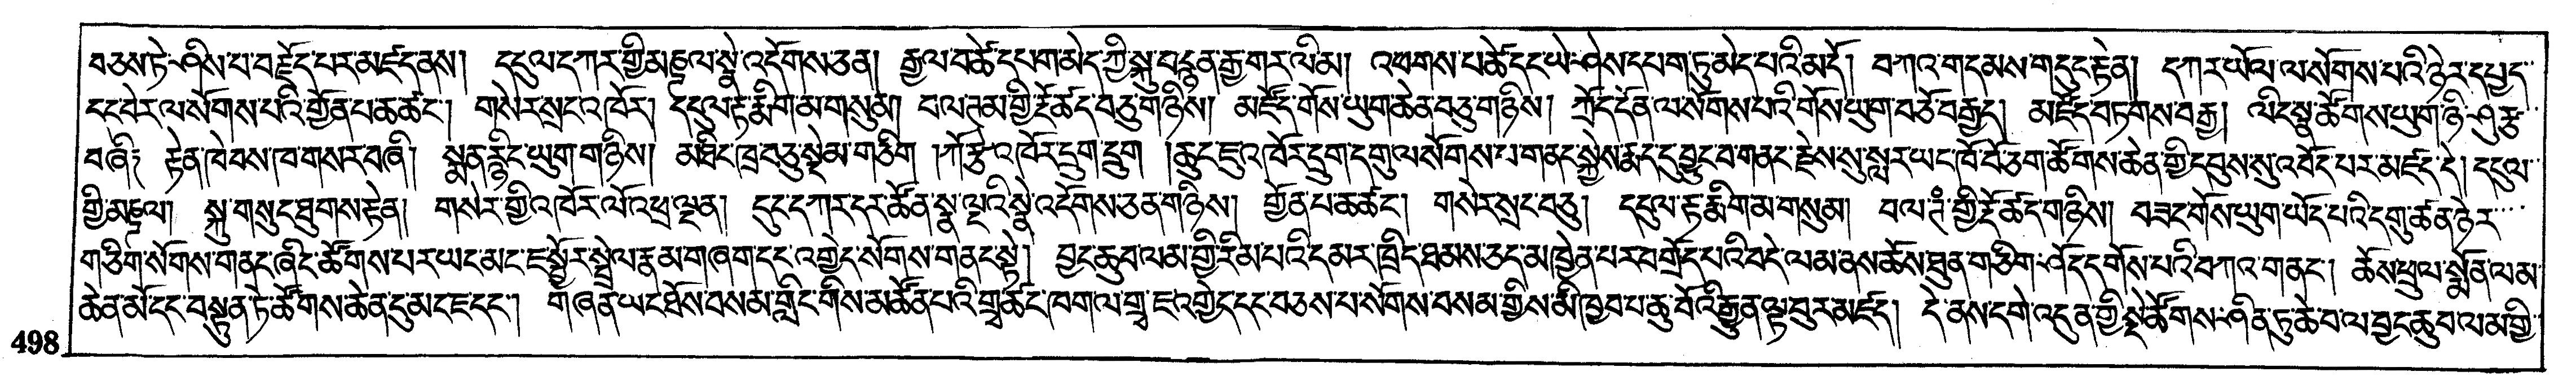བཅས་ཏེ་ཤིས་པ་བརྗོད་པར་མཛད་ནས། དངུལ་དཀར་གྱི་མཎྜལ་སྣེ་འདོགས་ཅན། རྒྱལ་བ་ཚེ་དཔག་མེད་ཀྱི་སྐུ་བརྙན་རྒྱ་གར་ལི་མ། འཕགས་པ་ཚེ་དང་ཡེ་ཤེས་དཔག་ཏུ་མེད་པའི་མདོ། བཀའ་གདམས་གདུང་རྟེན། དཀར་ཡོལ་ལ་སོགས་པའི་ཉེར་དཔྱད་
དང་བེར་ལ་སོགས་པའི་གྱོན་པ་ཆ་ཚང་། གསེར་སྲང་འཁོར། དངུལ་རྟ་རྨིག་མ་གསུམ། བལ་ཊམ་གྱི་རྡོ་ཚད་བཅུ་གཉིས། མཛོད་གོས་ཡུག་ཆེན་བཅུ་གཉིས། ཀྲོད་དོན་ལ་སོགས་པའི་གོས་ཡུག་བཅོ་བརྒྱད། མཛོད་བཏགས་བརྒྱ། ལིང་སྣ་ཚོགས་ཡུག་ཉི་ཤུ་རྩ་
བཞི༑ རྟེན་ཁབས་ཁ་གསར་བཞི། སྨན་རྙིང་ཡུག་གཉིས། མཐིང་ཁྲ་བཅུ་སྡེམ་གཅིག །ཀོ་རྩེ་འཁོར་དྲུག་དྲུག །ཆུང་ཇུ་འཁོར་དྲུག་དགུ་ལ་སོགས་པ་གནང་སྐྱེས་རྨད་དུ་བྱུང་བ་གནང་རྗེས་སུ་སླར་ཡང་ཁོ་བོ་ཅག་ཚོགས་ཆེན་གྱི་དབུས་སུ་འབོད་པར་མཛད་དེ། དངུལ་
གྱི་མཎྜལ། སྐུ་གསུང་ཐུགས་རྟེན། གསེར་གྱི་འཁོར་ལོ་འཕྲ་ལྡན། དུང་དཀར་དར་ཚོན་སྣ་ལྔའི་སྣེ་འདོགས་ཅན་གཉིས། གྱོན་པ་ཆ་ཚང་། གསེར་སྲང་བཅུ། དངུལ་རྟ་རྨིག་མ་གསུམ། བལ་ཊཾ་གྱི་རྡོ་ཚད་གཉིས། བཟང་གོས་ཡུག་ཡོད་པའི་དགུ་ཚན་ཉེར་
གཅིག་སོགས་གནང་ཞིང་ཚོགས་པར་ཡང་མང་ཇ་སྦྱོར་སྦྲེལ་རྣམ་གཞག་དང་འགྱེད་སོགས་གནང་སྟེ། བྱང་ཆུབ་ལམ་གྱི་རིམ་པའི་དམར་ཁྲིད་ཐམས་ཅད་མཁྱེན་པར་བགྲོད་པའི་བདེ་ལམ་ནས་ཆོས་ཐུན་གཅིག་ཤོད་དགོས་པའི་བཀའ་གནང་། ཆོ་འཕྲུལ་སྨོན་ལམ་
ཆེན་མོ་དང་བསྟུན་ཏེ་ཚོགས་ཆེན་དུ་མང་ཇ་དང་། གཞན་ཡང་ཐོས་བསམ་གླིང་གིས་མཚོན་པའི་གྲྭ་ཚང་ཁག་ལ་གྲྭ་ཇ་འགྱེད་དང་བཅས་པ་སོགས་བསམ་གྱིས་མི་ཁྱབ་པ་ཆུ་བོའི་རྒྱུན་ལྟ་བུར་མཛད། དེ་ནས་དགེ་འདུན་གྱི་སྡེ་ཚོགས་ཤིན་ཏུ་ཆེ་བ་ལ་བྱང་ཆུབ་ལམ་གྱི་